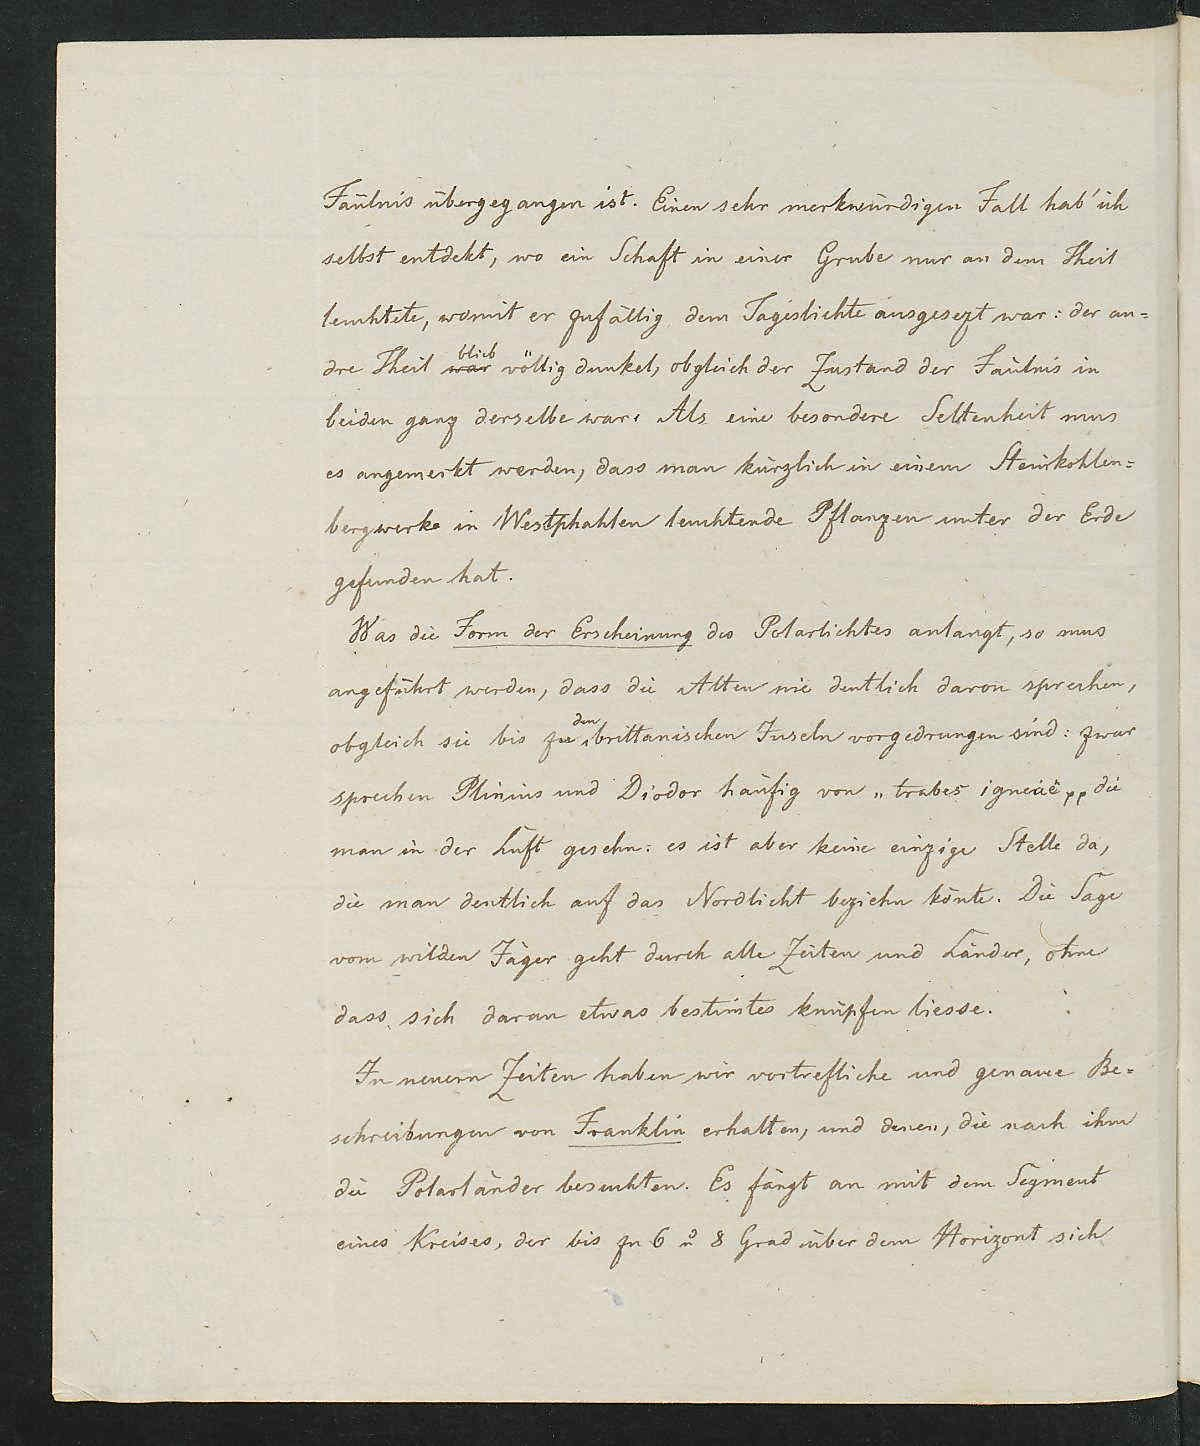Fäulnis übergegangen ist. Einen sehr merkwürdigen Fall hab' ich
selbst entdekt, wo ein Schaft in einer Grube nur an dem Theil
leuchtete, womit er zufällig dem Tageslichte ausgesezt war: der an-
dre Theil warblieb völlig dunkel, obgleich der Zustand der Fäulnis in
beiden ganz derselbe war. Als eine besondere Seltenheit mus
es angemerkt werden, dass man kürzlich in einem Steinkohlen-
bergwerke in Westphahlen leuchtende Pflanzen unter der Erde
gefunden hat.
Was die Form der Erscheinung des Polarlichtes anlangt, so mus
angeführt werden, dass die Alten wie deutlich davon sprechen
obgleich sie bis zu den brittanischen Inseln vorgedrungen sind: zwar
sprechen Plinius und Diodor häufig von „trabes igneae” pp die
man in der Luft gesehn: es ist aber keine einzige Stelle da,
die man deutlich auf das Nordlicht beziehn könte. Die Sage
vom wilden Jäger geht durch alle Zeiten und Länder, ohne
dass sich daran etwas bestimtes knüpfen liesse.
In neuern Zeiten haben wir vortrefliche und genaure Be-
schreibungen von Franklin erhalten, und denen, die nach ihm
die Polarländer besuchten. Es fängt an mit dem Segment
eines Kreises, der bis zu 6 u 8 Grad über dem Horizont sich